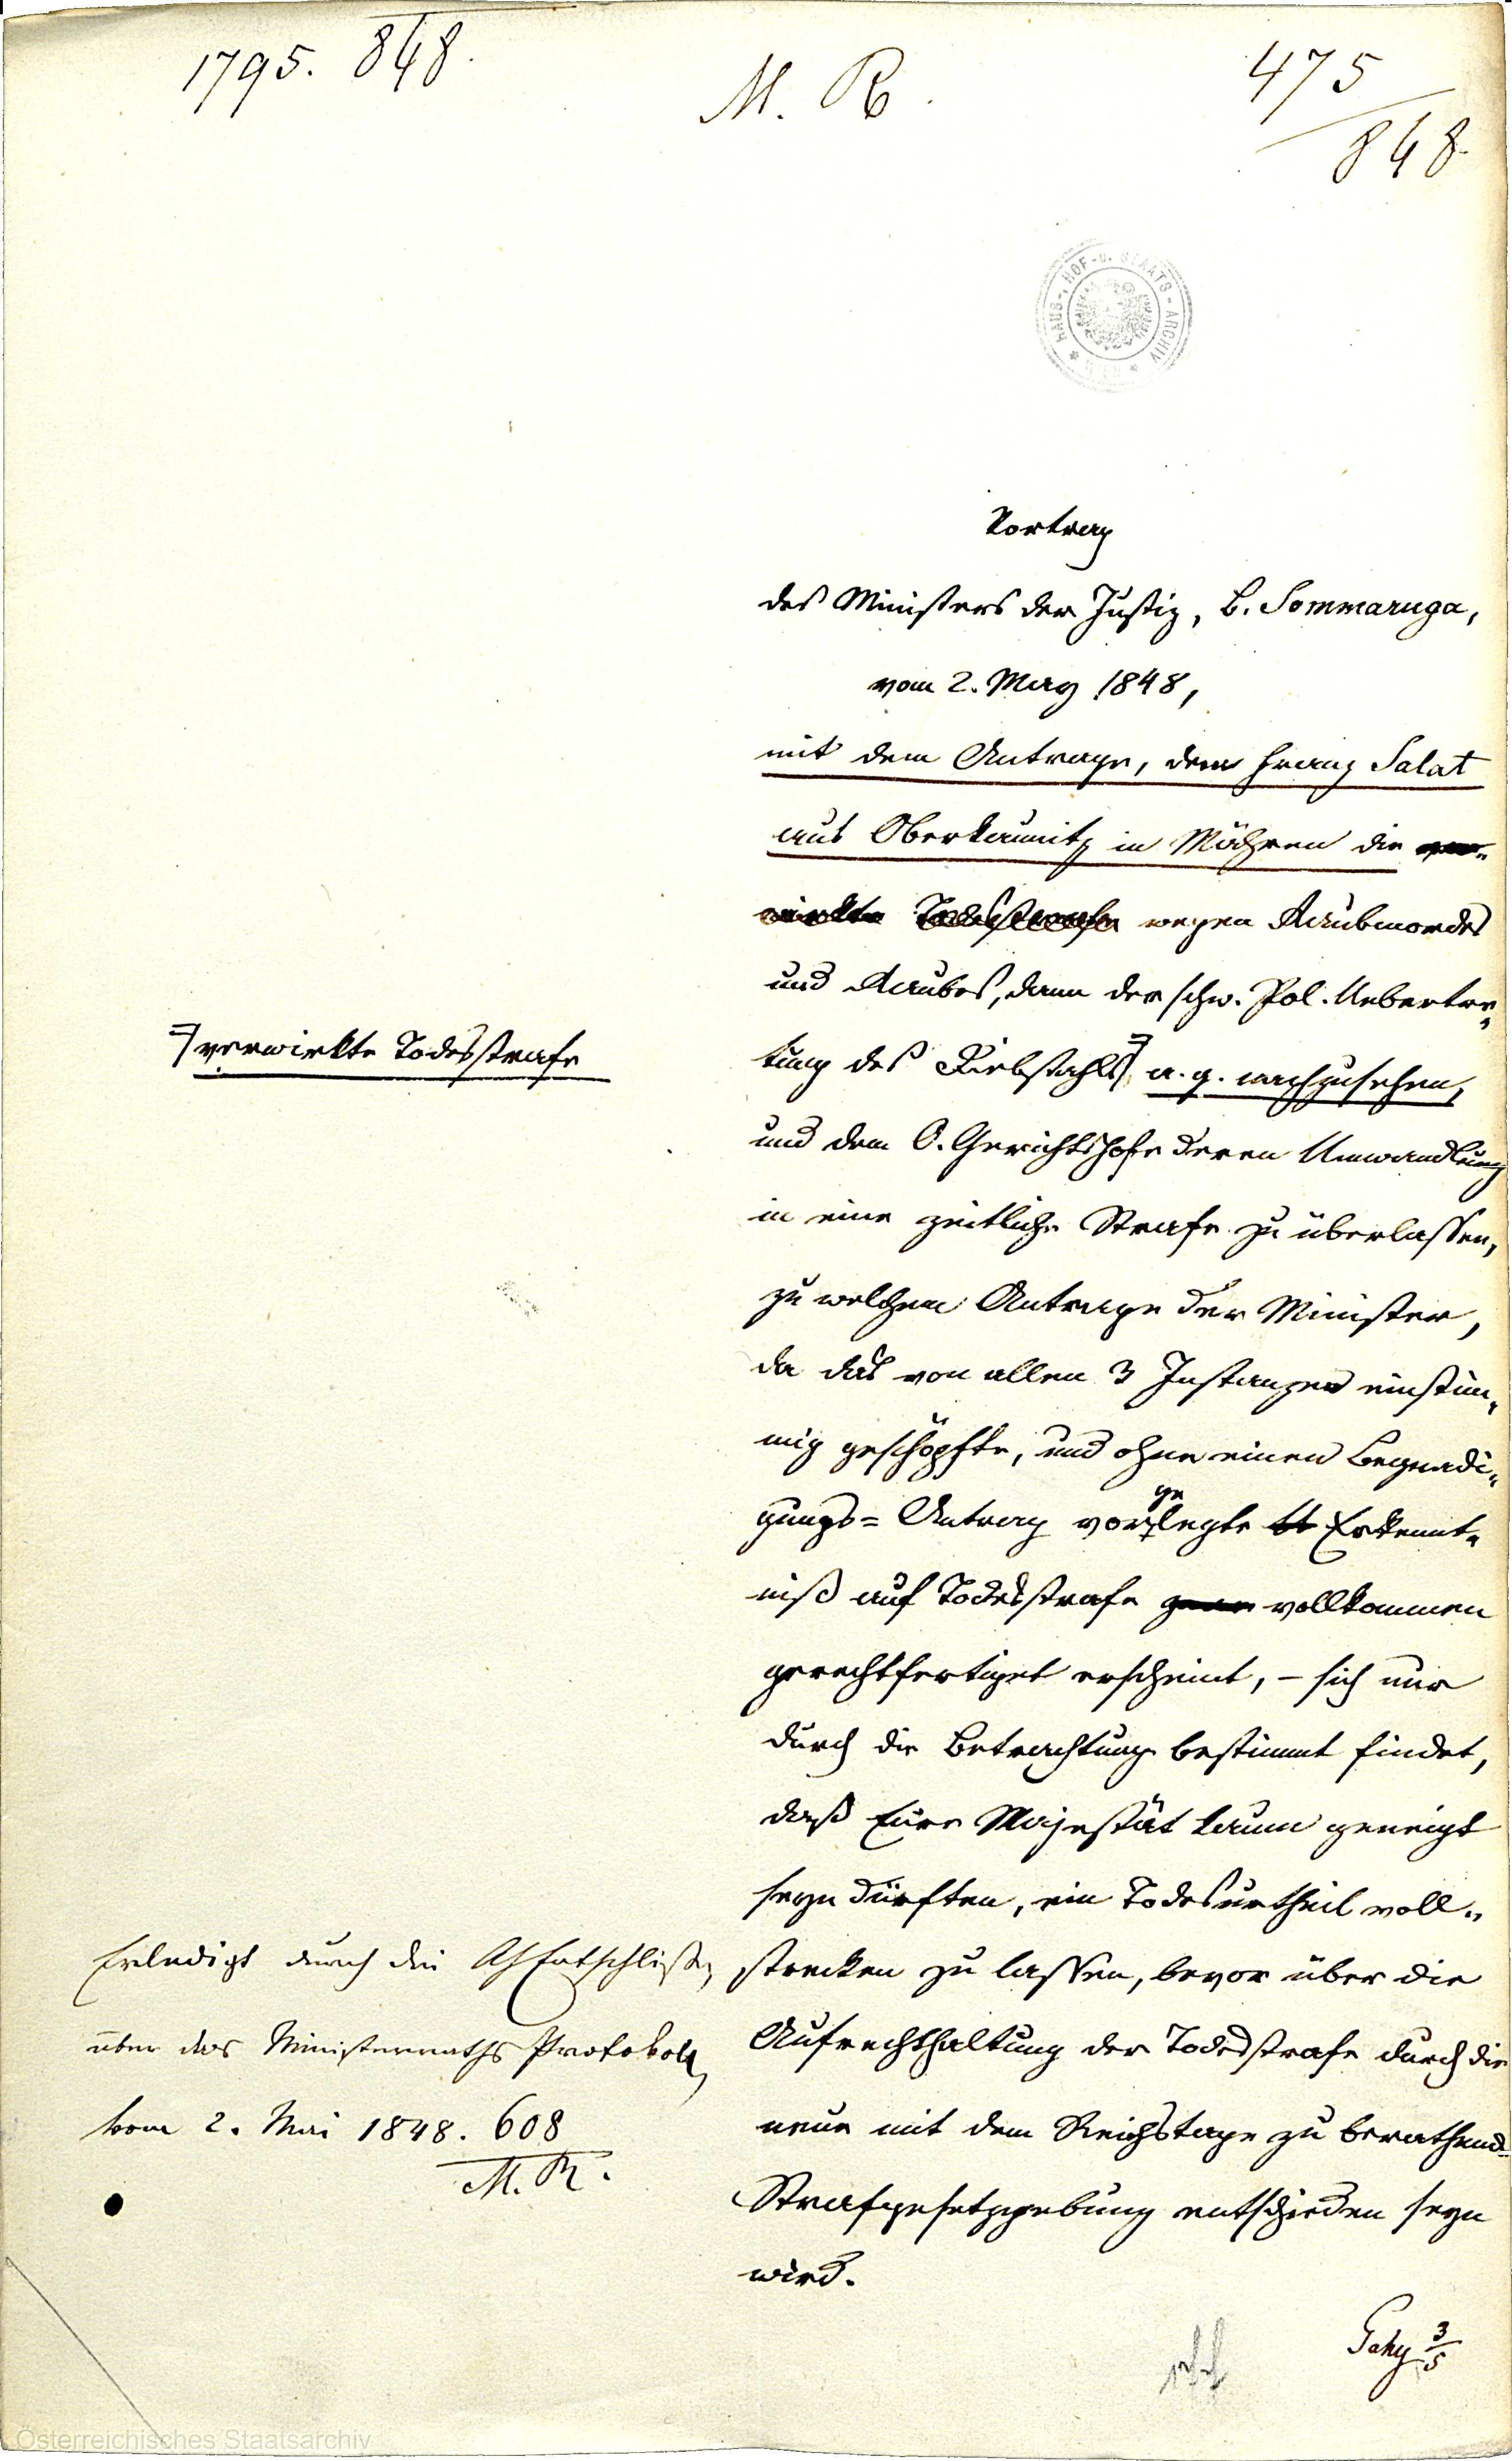1795. 1848
MR
475
1848
Vortrag
des Ministers der Justiz, B. Sommaruga,
vom 2. May 1848,
mit dem Antrage, dem Franz Salat
aus Oberkaunitz in Mähren die
wegen Raubmorde
und Raubes, dann der schw. Pol. Uebertre¬
tung des Diebstahls a.g. nachzusehen
und dem O. Gerichtshofe deren Umwandlung
in eine zeitliche Strafe zu überlaßen,
zu welchem Antrage der Minister,
da das von allem 3 Instanzen einstim¬
mig geschöpfte, und ohne einen Begnadi¬
gungs-Antrag vorgelegte Erkennt¬
niß auf Todesstrafe vollkommen
gerechtfertigt erscheint, -- sich nur
durch die Betrachtung bestimmt findet,
daß Eure Majestät kaum geneigt
seyn dürften, ein Todesurtheil voll¬
strecken zu laßen, bevor über die
Aufrechthaltung der Todesstrafe durch die
neue mit dem Reichstage zu berathende
Strafgesetzgebung entschieden seyn
wird.
Gáhy 3/5
verwirkte Todesstrafe
Erledigt durch die Ah Entschließung
über der Ministerrats-Protokolle
vom 2. Mai 1848 608/
MR